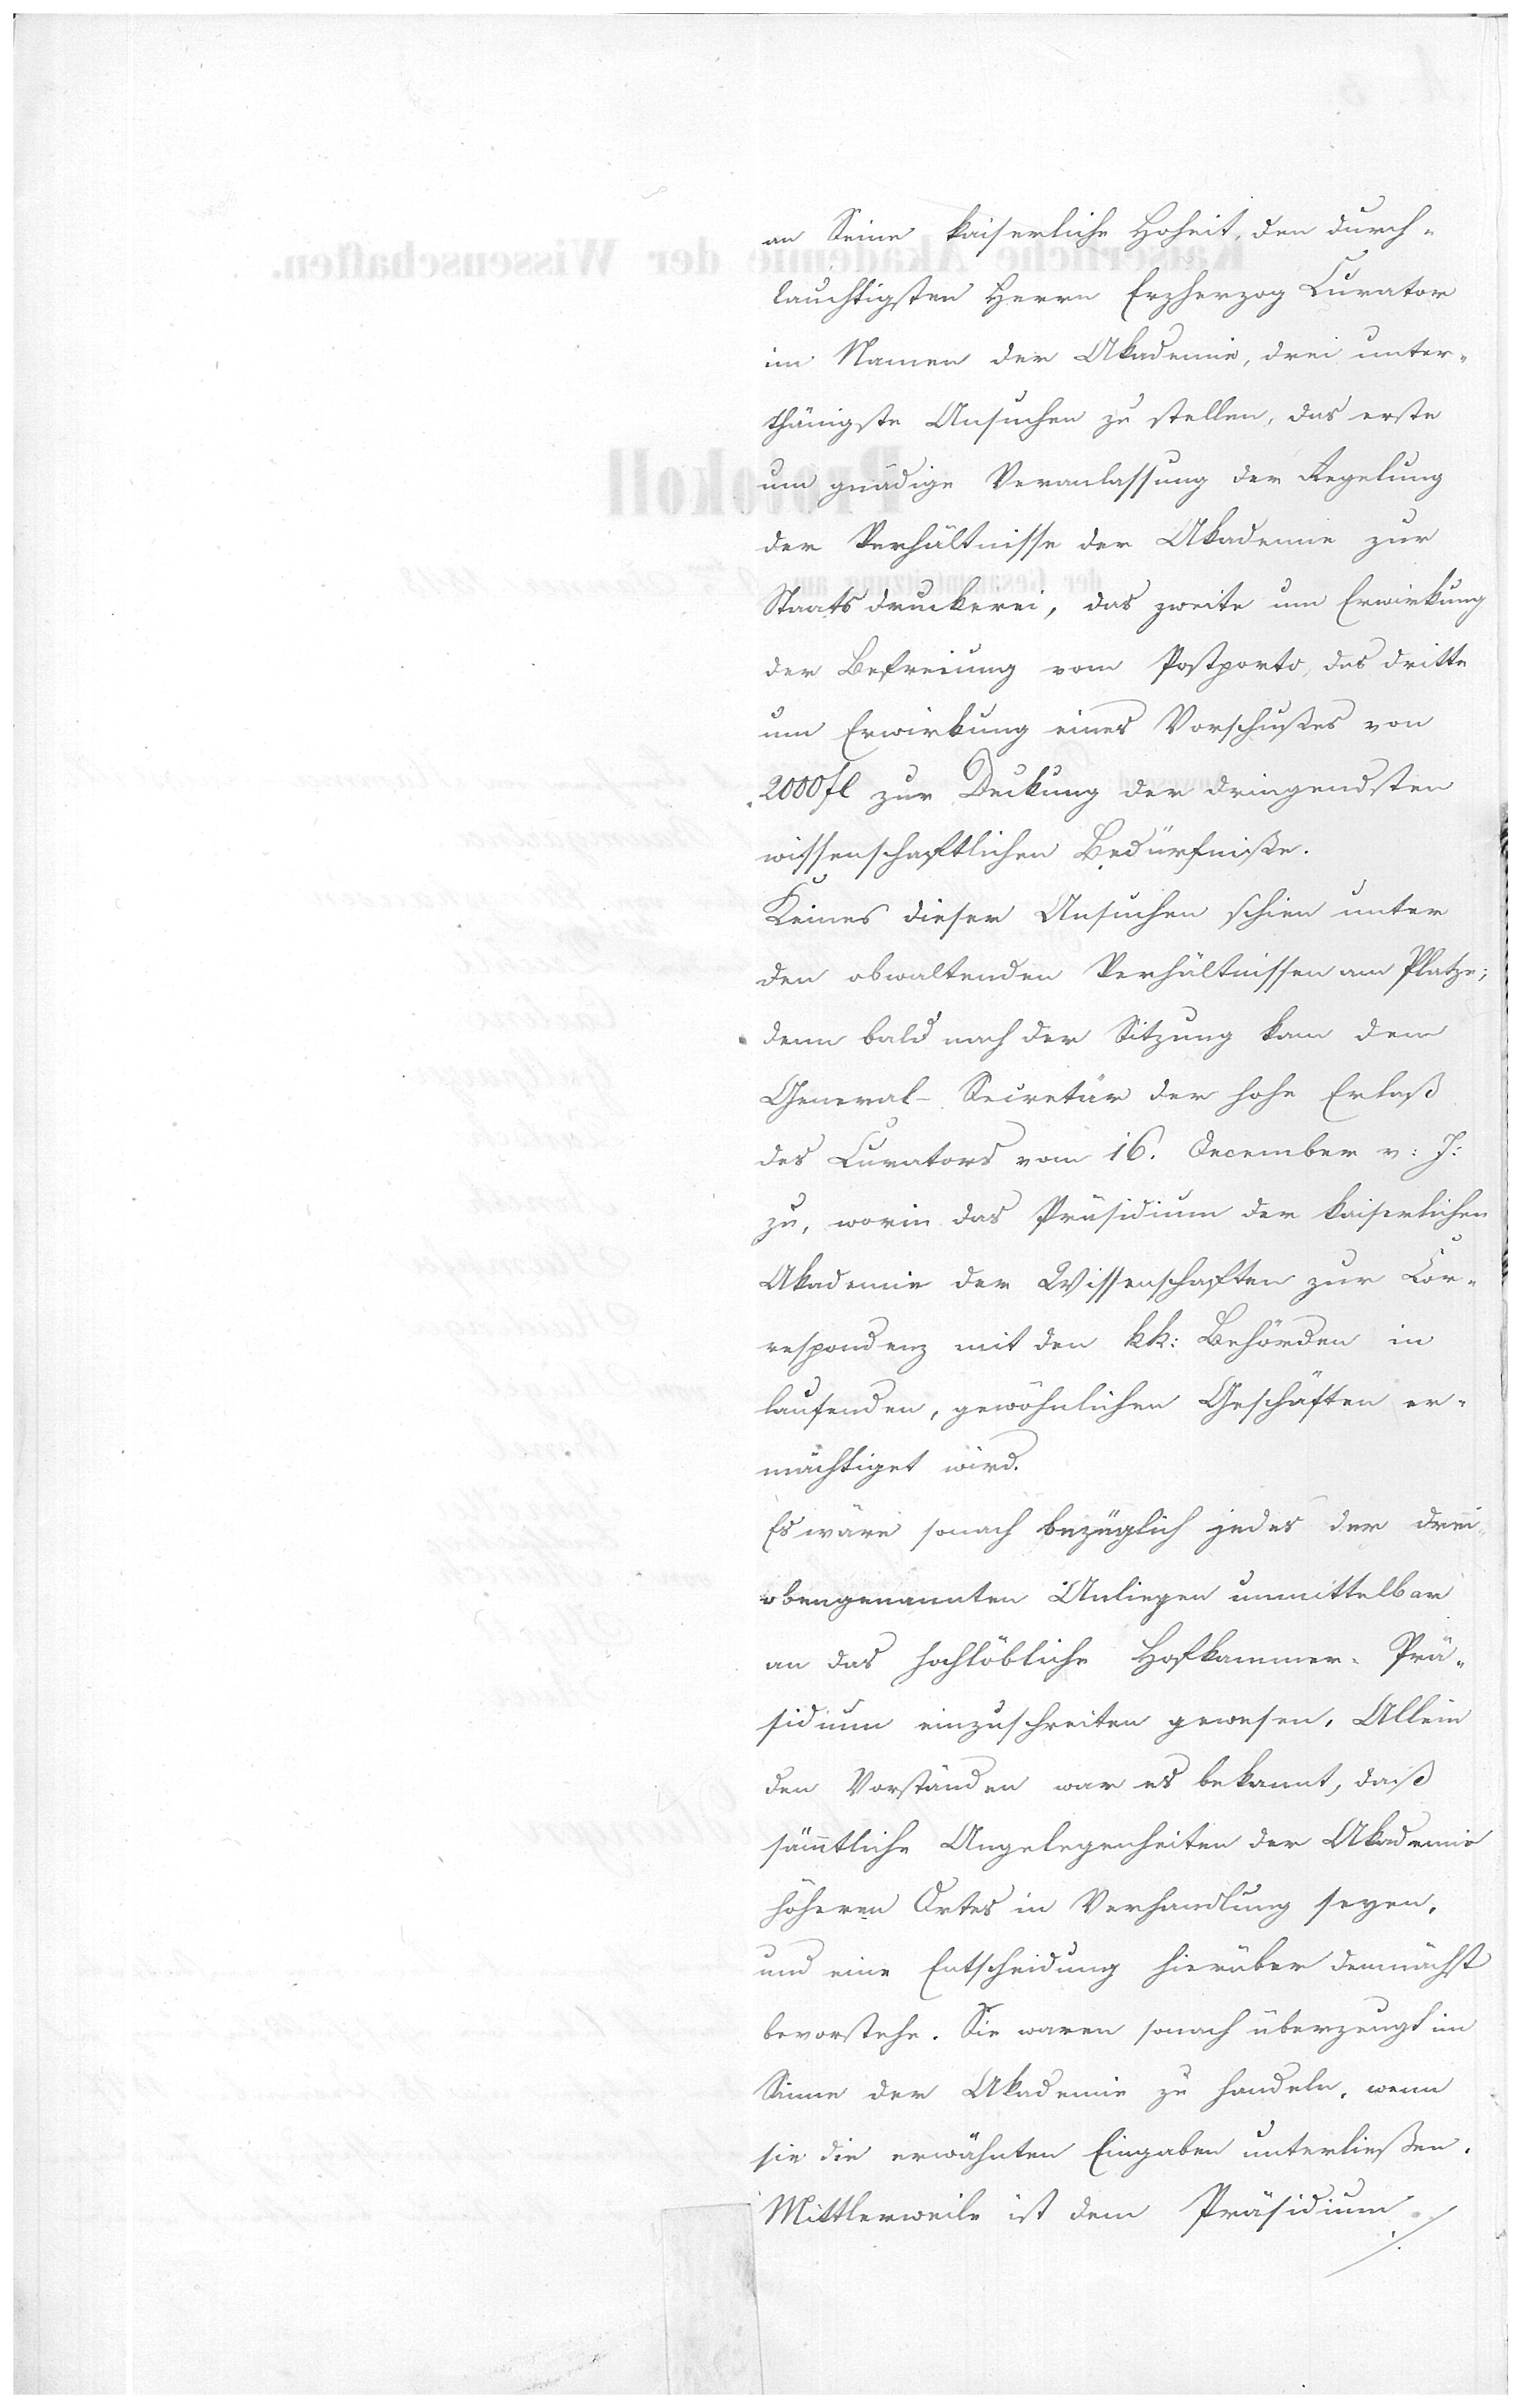an Seine kaiserliche Hoheit, den durch-
lauchtigsten Herrn Erzherzog Curator
im Namen der Akademie, drei unter-
thänigste Ansuchen zu stellen, das erste
um gnädie Veranlassung der Regelung
der Verhältnisse der Akademie zur
Staatsdruckerei, das zweite um Erwirkung
der Befreiung vom Postporto, das dritte
um Erwirkung eines Vorschlußes von
2000 fl. zur Deckung der dringendsten
wissenschaftlichen Bedürfniße.
Keines dieser Ansuchen schien unter
den obwaltenden Verhältnissen am Platze,
denn bald nach der Sitzung kam dem
General-Secretär der hohe Erlaß
des Curators vom 16. December v. J.
zu, worin das Präsidium der kaiserlichen
Akademie der Wissenschaften zur Cor-
respondenz mit den kk. Behörden in
laufenden, gewöhnlichen Geschäften er-
mächtiget wird.
Es wäre sonach bezüglich jeder der drei
obengenannten Anliegen unmittelbar
an das hochlöbliche Hofkammer-Prä-
sidium einzuschreiten gewesen. Allein
den Vorständen war es bekannt, daß
sämmtliche Angelegenheiten der Akademie
höheren Ortes in Verhandlung seyen,
und eine Entscheidung hierüber demnächst
bevorstehe. Sie waren sonach überzeugt im
Sinn der Akademie zu handeln, wenn
sie die erwähnten Eingaben unterließen.
Mittlerweile ist dem Präsidium